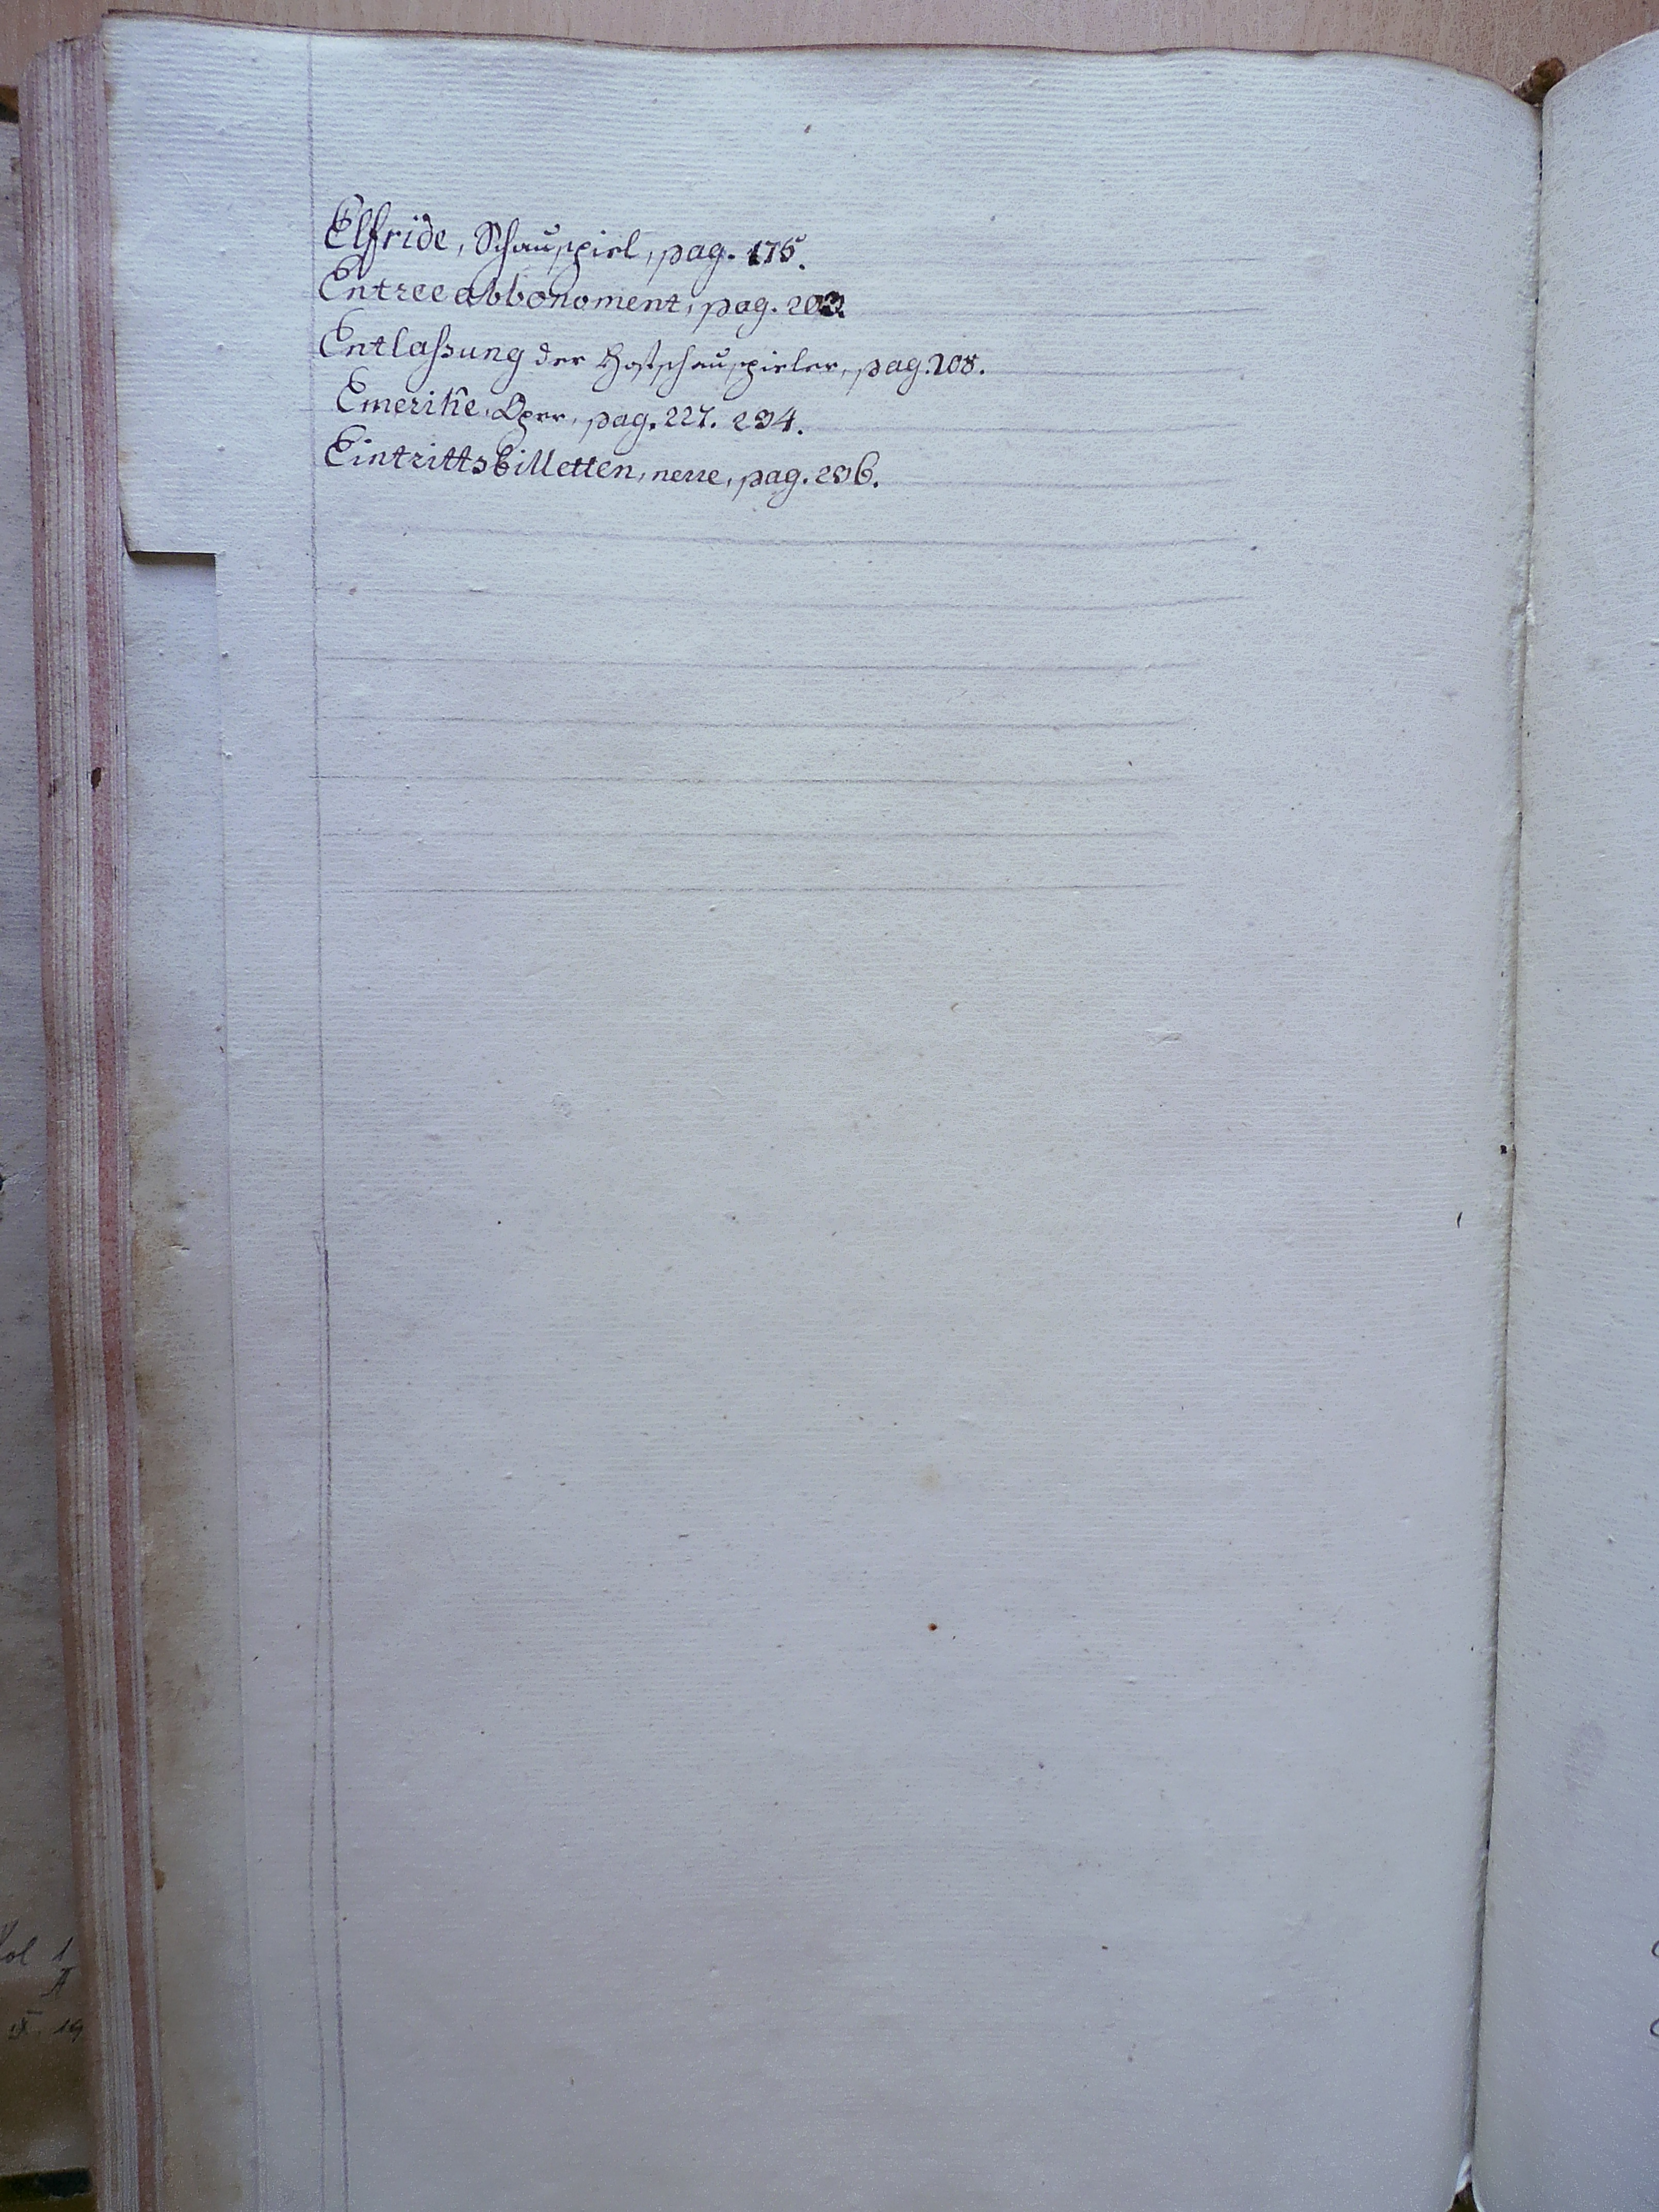Elfride, Schauspiel, pag. 175.
Entreeabbonoment, pag. 203.
Entlassung der Hofschauspieler, pag. 208.
Emerike, Oper, pag. 227. 234.
Eintrittsbilletten, neue, pag. 236.